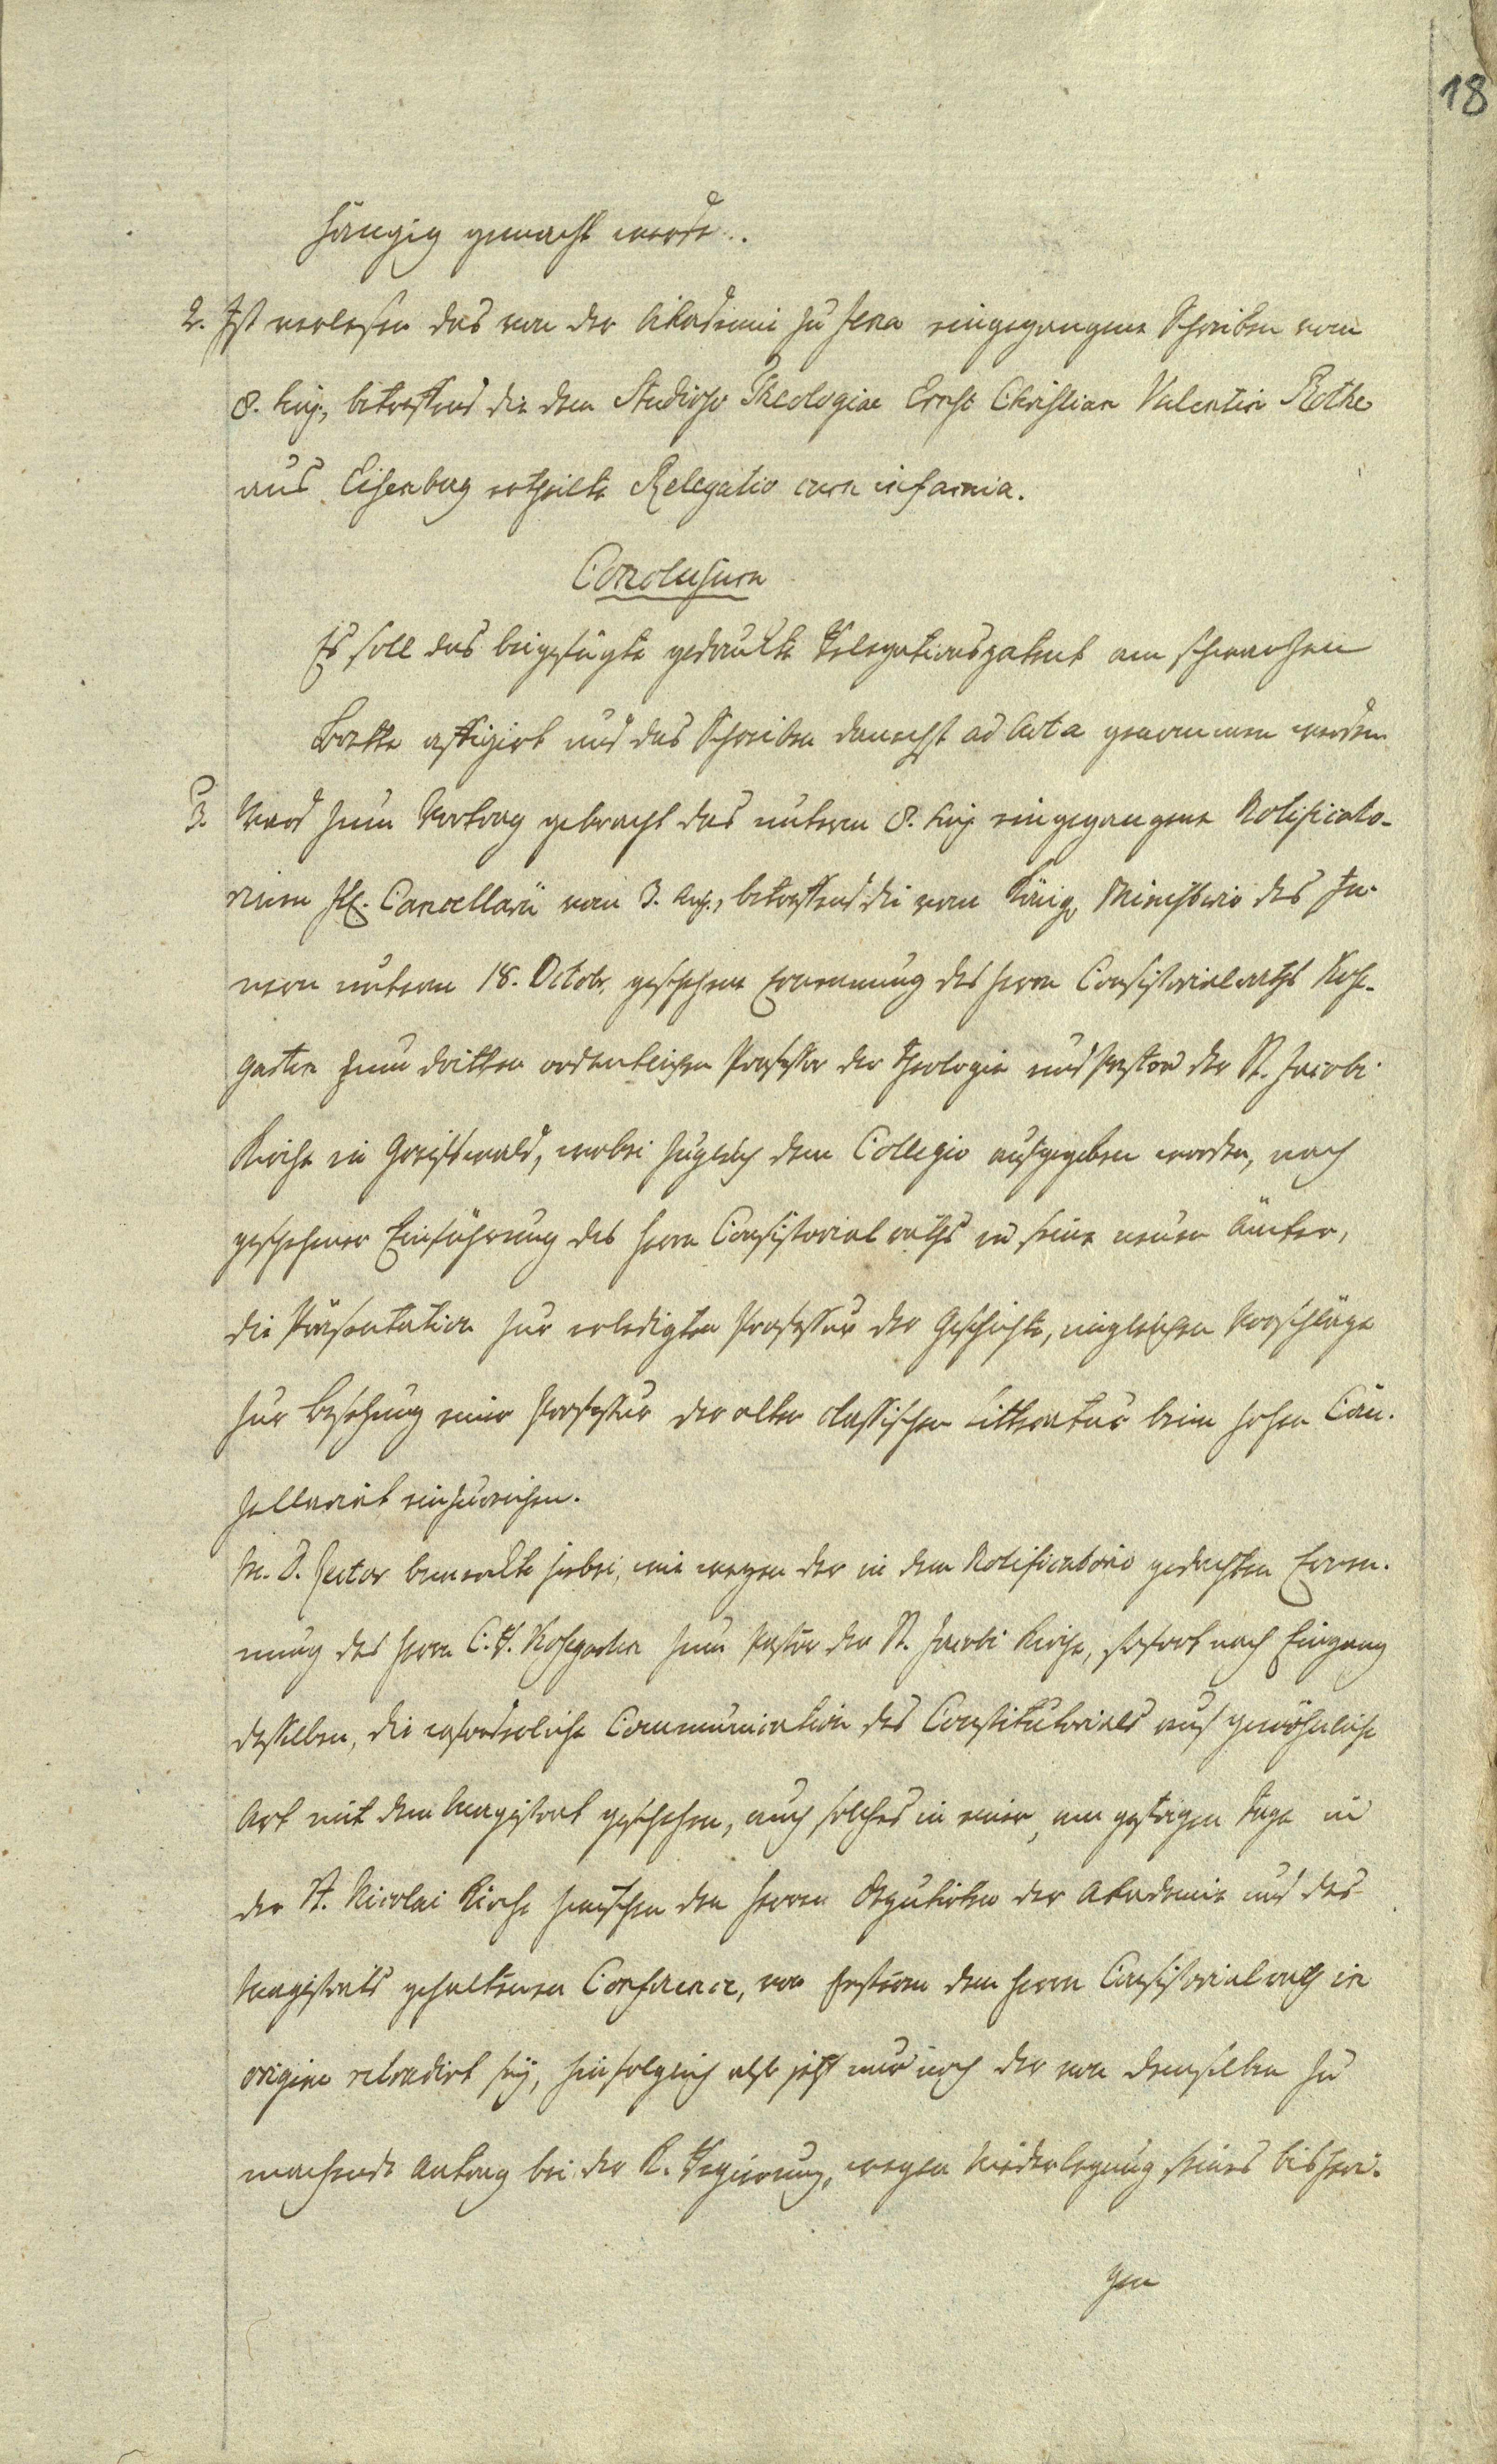hängig gemacht werde.
2. Ist verlesen das von der Akademie zu Jena eingegangene Schreiben vom
8. huj., betreffend die dem Studioso Theologiae Ernst Christian Valentin Rothe¬
aus Eisenberg ertheilte Relegatio cum infamia.
Conclusum
Es soll das beigefügte gedruckt Relegationspatent am schwarzen
Brette affigirt und das Schreiben danechst ad Acta genommen werden.
3. Ward zum Vortrag gebracht das unterm 8. huj. eingegangene Notificato¬
rium Ill. Cancellarii vom 3. huj., betreffend die vom Königl Ministerio des In¬
nern unterm 18. Octobr. geschehene Ernennung des Herrn Consistorialraths Kose¬
garten zum dritten ordentlichen Professor der Theologie und Pastor der St. Jacobi
Kirche in Greifswald, wobei zugleich dem Collegio aufgegeben worden, nach
geschehener Einführung des Herrn Consistorialraths in seine neuen Ämter,
die Präsentation zur erledigten Professur der Geschichte, imgleichen Vorschläge
zur Besetzung einer Professur der alten classischen Litteratur beim Hohen Can¬
zellariat einzureichen.
M. D. Rector bemerkte hiebei, wie wegen der in dem Notificatorio gedachten Ernen¬
nung des Herrn C. R. Kosegarten zum Pastor der St. Jacobi Kirche, sofort nach Eingang
desselben, die erforderliche Communication des Constitutorials auf gewöhnliche
Art mit dem Magistrat geschehen, auch solches in einer am gestrigen Tage in
der St. Nicolai Kirche zwischen den Herrn Deputirten der Akademie und des
Magistrats gehaltenen Conference, von Ersterm dem Herrn Consistorialrath in
origine retradirt seÿ, hinfolglich also jetzt nur noch der von demselben zu
machende Antrag bei der K. Regierung, wegen Niederlegung seines bisheri¬
gen